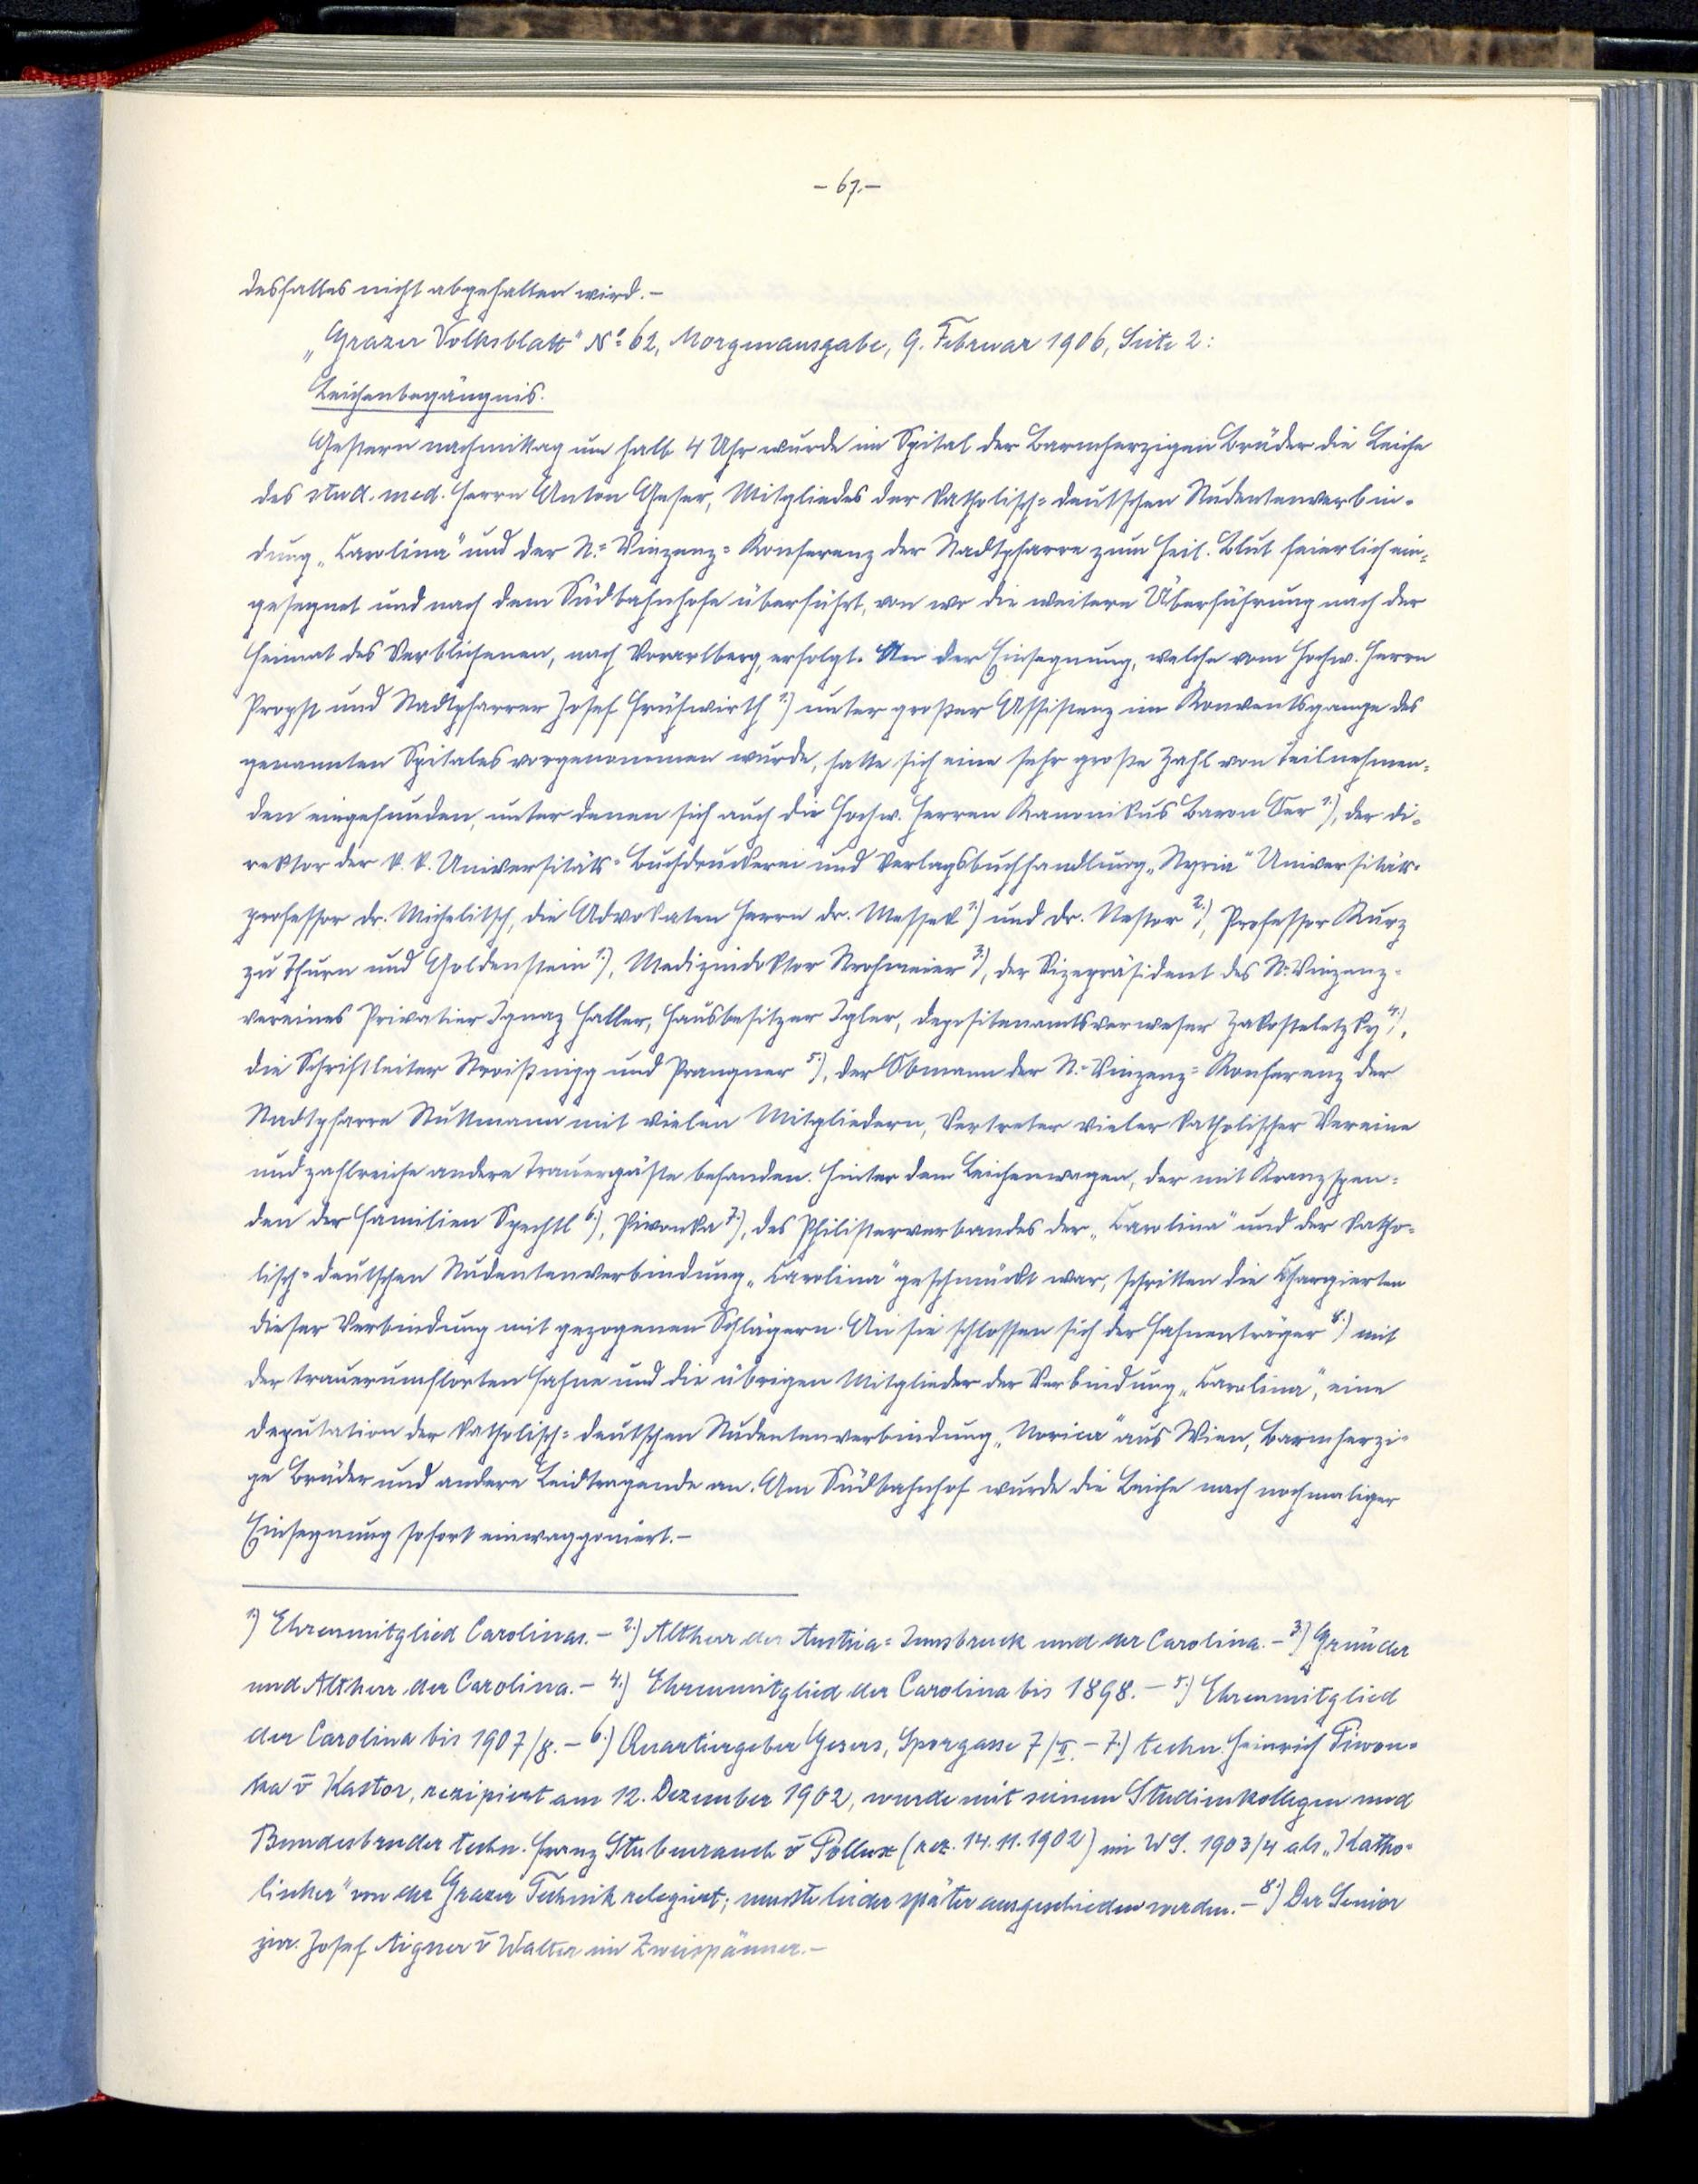67
desfalles nicht abgehalten wird.
„Grazer Volksblatt“ Nr 62, Morgenausgabe, 9. Februar 1906, Seite 2:
Leichenbegängnis
Gestern Nachmittag um halb 4 Uhr wurde im Spital der barmherzigen Brüder die Leiche
des stud. med. Herrn Anton Geser, Mitglied der katholisch-deutschen Studentenverbin-
dung „Carolina“ und der St. Vinzenz-Konferenz der Stadtpfarre zum heil. Blut feierlich ein –
gesegnet und nach dem Südbahnhofe überliefert, überführt, von wo die weitere Überführung nach der
Heimat des Verblichenen, nach Vorarlberg, erfolgt. Von der Einsegnung, welche vom Hochw. Herrn
Probst und Stadtpfarrer Josef Frühwirth 1) unter großer Assistenz im Konventsgange des
genannten Spitals vorgenommen wurde, hatte sich eine sehr große Zahl von Teilnehmen-
den eingefunden, unter denen sich auch die hochw. Herren Kanonikus Baron Aer 1), der Di-
rektor der k. k. UniversitätsBuchdruckerei und Verlagsbuchhandlung „Styria“, Universitäts-
professor Dr. Michelitsch, die Advokaten Herrn Dr. MesseK 1) und Dr. Nestor, Professor Kurz
zu Thurn und Goldenstein, 1), Medizinidoktor Dr. Strohmaier 3), der Vizepräsident des St Vinzenz-
vereins Privatier Ignaz Haller, Hausbesitzer Igler, Depositenamtsverweser Zukosteletzky 4)
die Schriftleiter Stroißnigg und Pranger 5). Der Obmann der St. Vinzenz-Konferenz der
Stadtpfarre Stuttmann mit vielen Mitgliedern, Vertreter vieler katholischer Vereine
und zahlreiche andere Trauergäste befanden. Hinter dem Leichenwagen, der mit Kranzspen-
den der Familien Spechtl 6), Pirenker 7), des Philisterverbandes der „Carolina“ und der katho-
lisch deutschen Studentenverbindung „Carolina“ geschmückt war, schritten die Chargierten
dieser Verbindung mit gezogenen Schlägern. An sie schlossen sich der Fahnenträger 8) mit
der trauerumflorten Fahne und die übrigen Mitglieder der Verbindung „Carolina“, eine
Deputation der katholisch-deutschen Studentenverbindung Norica aus Wien, Barmherzi-
gen Brüder und andere Leidtragende an. Am Südbahnhof wurde die Leiche nach nochmaliger
Einsegnung sofort einwaggoniert.-
1) Ehrenmitglied Carolina.- 2) Altherr der Austria-Innsbruck und der Carolina.- 3) Gründer
und Altherr der Carolina. 4) Ehrenmitglied der Carolina bis 1898.- 5) Ehrenmitglied
der Carolina bis 1907/8.- 6) Quartiergeber Gesers, Sporgasse 7.- 7) techn. Heinrich Piwon-
ka v/o Kastor, rezipiert am 12. Dezember 1902, wurde mit seinem Studienkollegen und
Bundesbrunder techn Franz Stubnrauch v/o Pollux (rez 14. 11. 1902) im WS 1903/4 als „Katho-
lischer“ von der Grazer Technik relegiert, musste leider später ausgeschieden werden. 8) Der Senior
jur. Josef Aigner v/o Walter im Zweispänner.